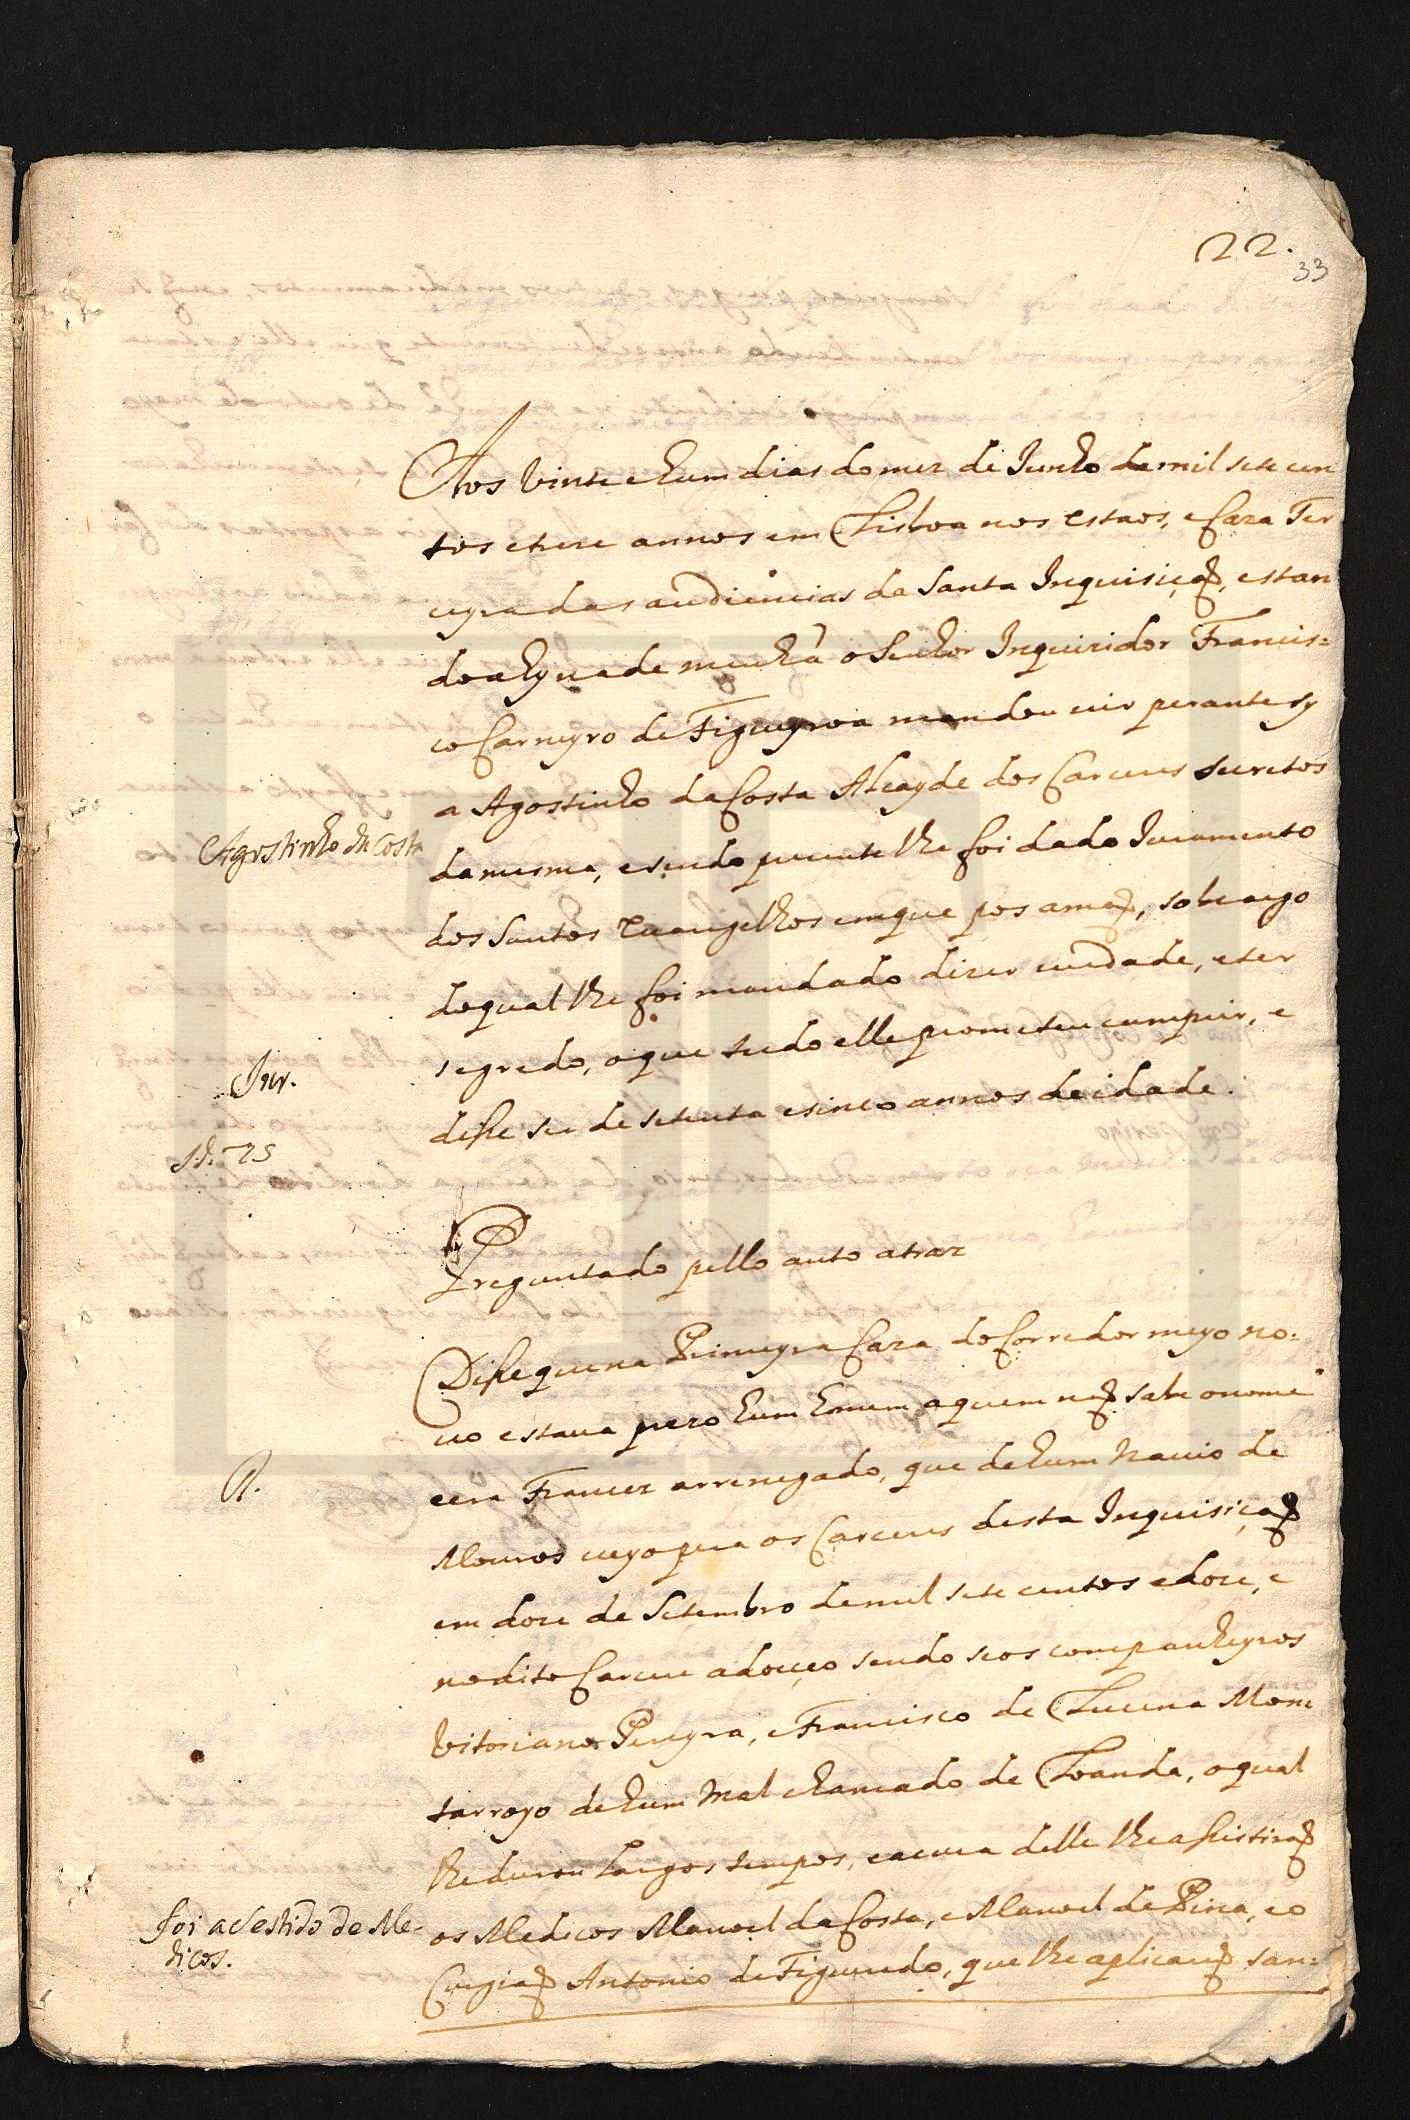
22.
Aos vinte e hum dias do mez de Iunho de mil setecen
tos e treze annos em Lisboa nos estaos, e Caza Ter
ceyra das audiencias da Santa Inquisiçaõ, estan
do ahy na de menhã o Senhor Inquizidor Francis
co Carneyro de Figueyroa mandou uir perante sy
a Agostinho da Costa Alcayde dos Carceres secretos
da mesma, e sendo prezente lhe foi dado Iuramento
Agostinho da Costa
dos Santos Euangelhos em que pos a maõ, sob cargo
do qual lhe foi mandado dizer uerdade, e ter
segredo, o que tudo elle prometeu cumprir, e
Iur.
disse ser de setenta e sinco annos de idade.
Id. 75
Preguntado pello auto atraz
Disse que na Primeyra Caza do Corredor meyo no
uo estaua prezo hum homem a quem naõ sabe o nome
e era Francez arrenegado, que de hum Nauio de
R.
Mouros ueyo pera os Carceres desta Inquisiçaõ
em doze de Setembro de mil setecentos e doze, e
no dito Carcere adoeceo sendo seos companheyros
vitoriano Pereyra, e Francisco de Lucena Mon
tarroyo de hum mal chamado de Loanda, o qual
lhe durou largos tempos, e a cura delle lhe assistiraõ
os Medicos Manoel da Costa, e Manoel da Pina, e o
foi aSestido de Me
dicos.
Curgiaõ Antonio de Figueiredo, que lhe aplicaraõ san
